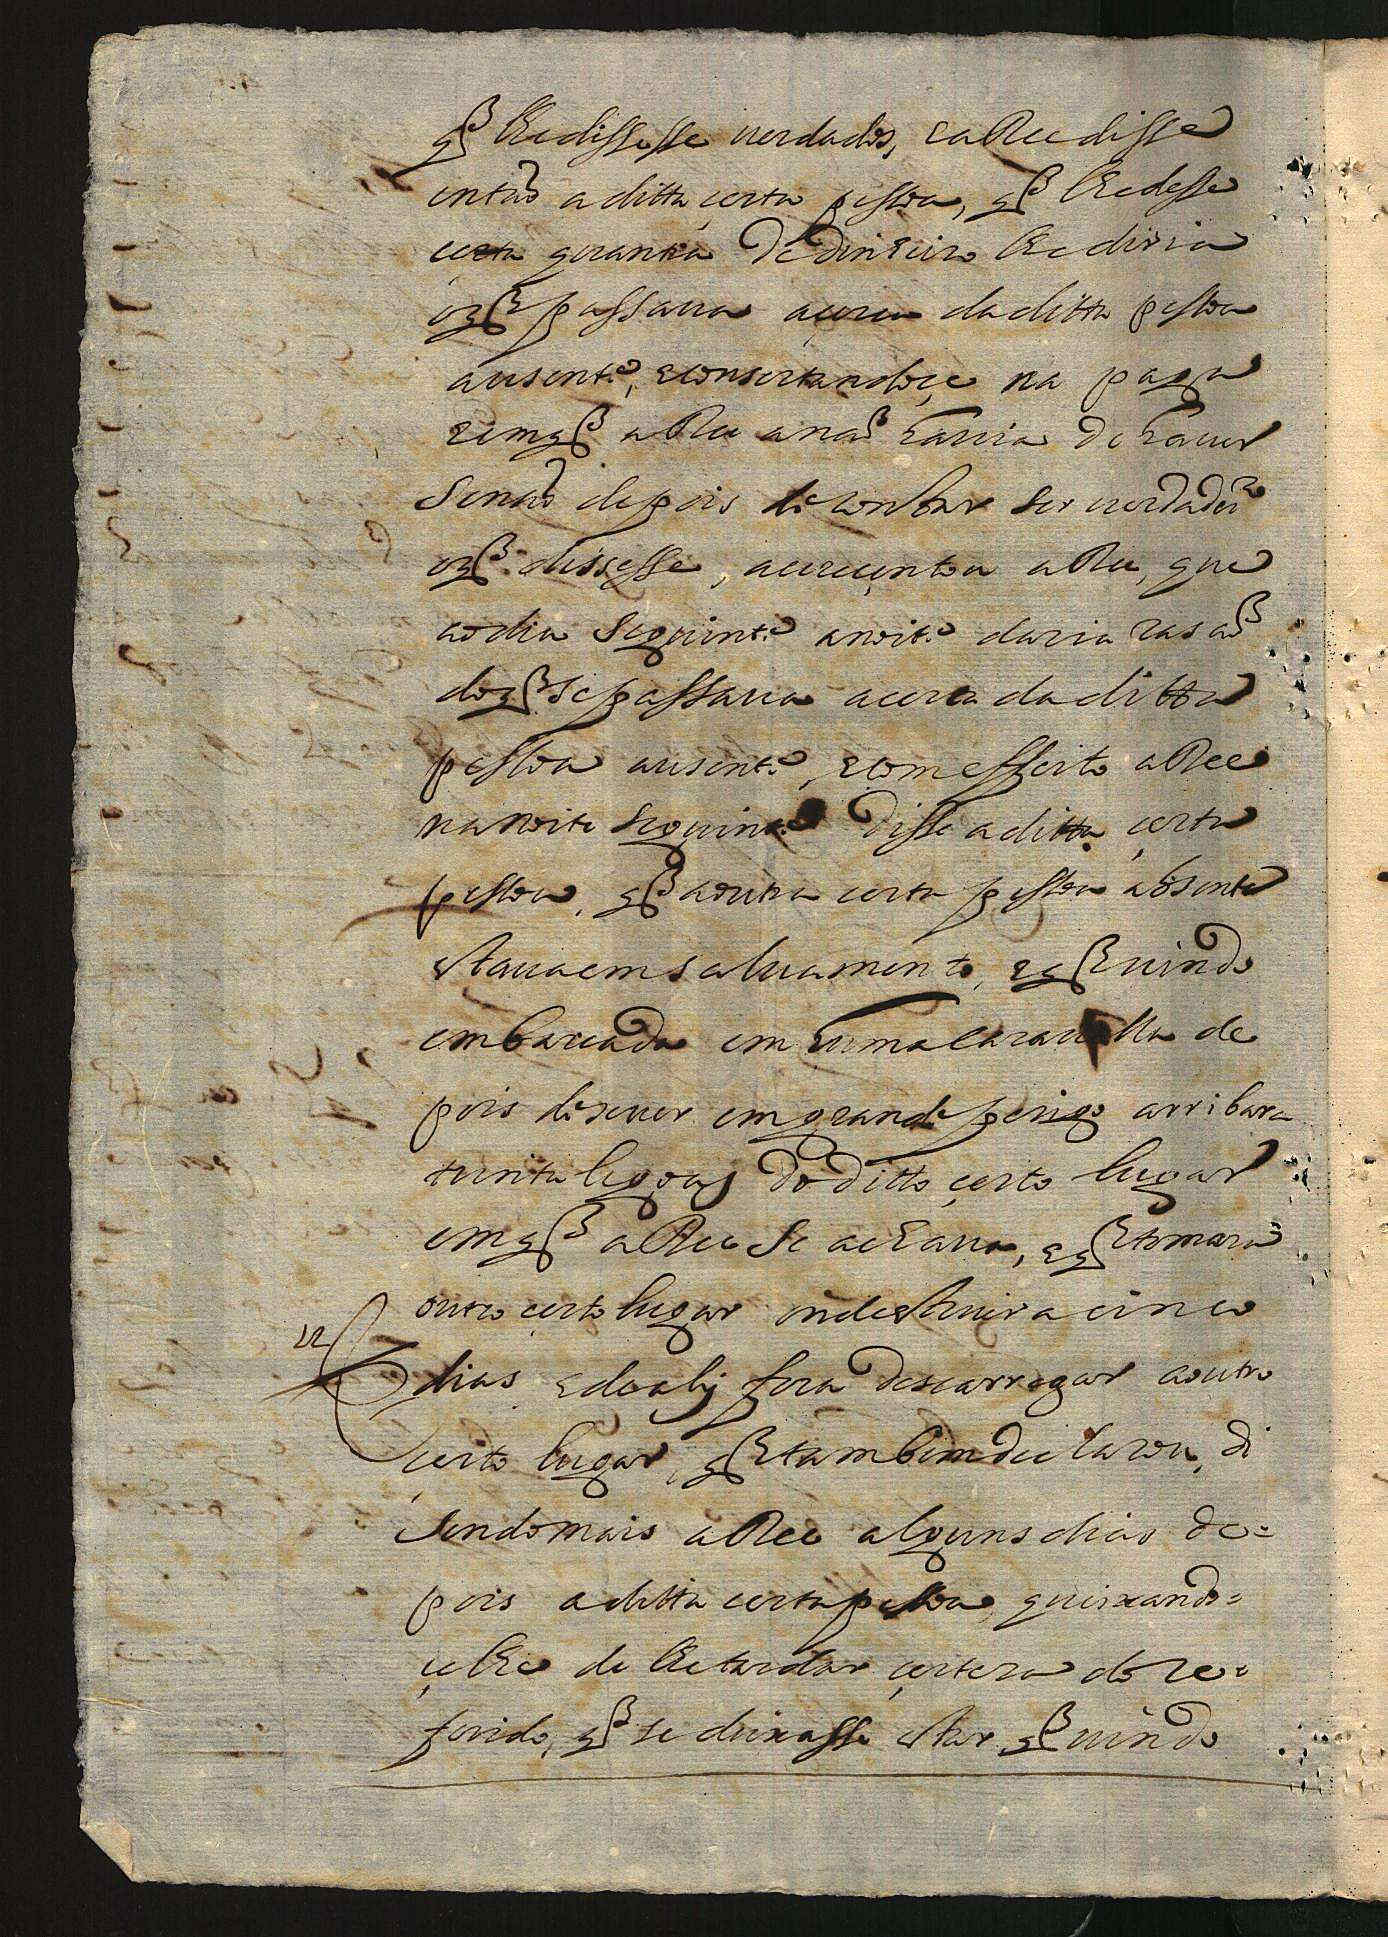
q̄ lhe dissesse uerdades, E a Ree disse
entaõ a ditta certa pessoa, q̄ lhe desse
certa quantia de dinheiro lhe diria
o q̄ passaua acerca da ditta pessoa
ausente, E consertandoce na paga
E em q̄ a Ree a naõ hauia de hauer
senaõ depois de constar ser uerdadeiro
o q̄ dissesse, accrecentou a Ree, que
ao dia seguinte a noite daria rasaõ
do q̄ se passaua acerca da ditta
pessoa ausente, E com effeito a Ree
na noite seguinte disse a ditta certa
pessoa, q̄ a outra certa pessoa absente
Estaua em saluamento, E q̄ uindo
embarcada em huma carauella de
pois de se uer em grando perigo arribara
trinta legoas do ditto certo lugar
em q̄ a Ree se achaua, E q̄ tomara
outro certo lugar onde estiuera cinco
dias E de aly fora descarregar a outro
certo lugar, q̄ tambem declarou, di
sendo mais a Ree alguns dias de
pois a ditta certa pessoa, queixando
celhe de lhe tardar certeza do re
ferido, q̄ se deixasse Estar q̄ uindo
